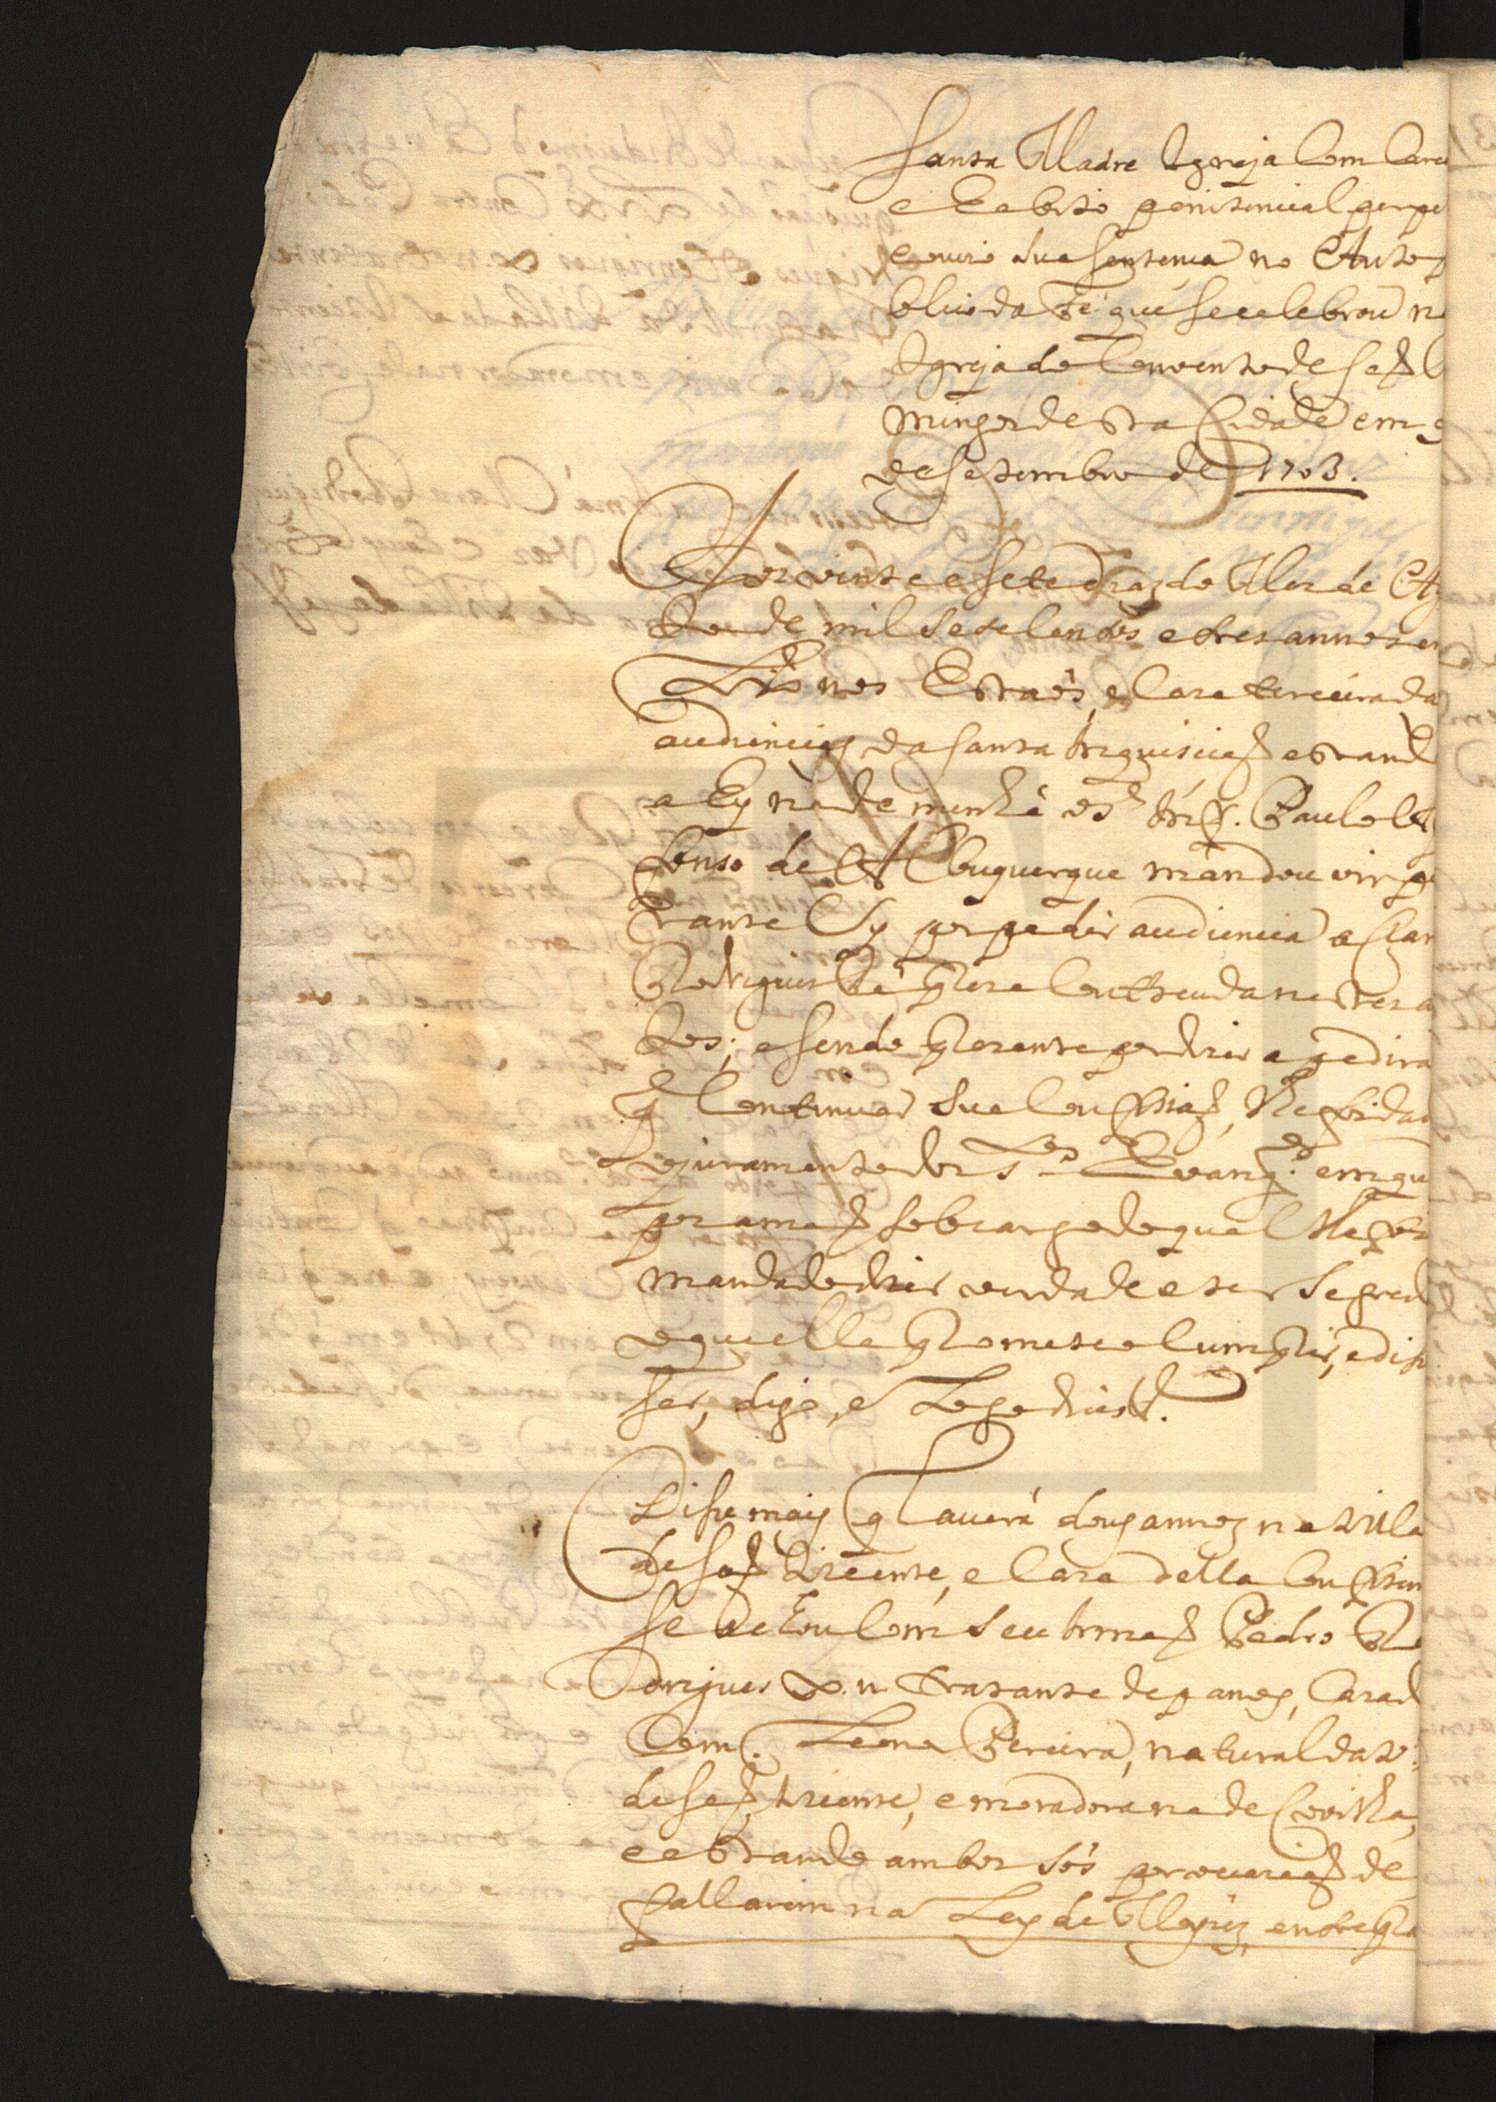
santa Madre Igreja Com Carce
e habito penitencial perpe
e ouuio sua sentença no Auto
blico da Fé que se celebrou n
Igreja do Convento de saõ
mingos desta Cidade em
de setembro de 1703.
Aoz vinte e sete diaz do Mez de A
to de mil seteCentos e tres annos e
Lixa nos Estaós e Caza terceira da
audiencias da santa Inquisiçaõ estand
ahy na de menhã o sor Inqr Paulo A
fonso de Albuquerque mandou vir p
rante Sy por pedir audiencia a Clar
Rodrigues Re preza Contheuda nestes
tos; e sendo prezente por dizer a pedira
p̄a Continuar sua Confissaõ, lhe foi da
o juramento dos s.tos Evang.os em qu
pos a maõ sob cargo do qual lhe foi
mandado dizer verdade e ter segred
o que ella prometeo Cumprir, e diss
ser, digo, e Logo
Disse mais q̄ haverá dous annos na Villa
de saõ Vicente, e Caza della Confiten
se achou Com seu Irmaõ Pedro R
drigues x. n. tratante de panos, Cazad
Com Leonor Pereira, natural da v.
de saõ vicente, e moradora na de Covilha,
e estando ambos sós por occaziaõ de
fallarem na Ley de Moyzez, entre pr
